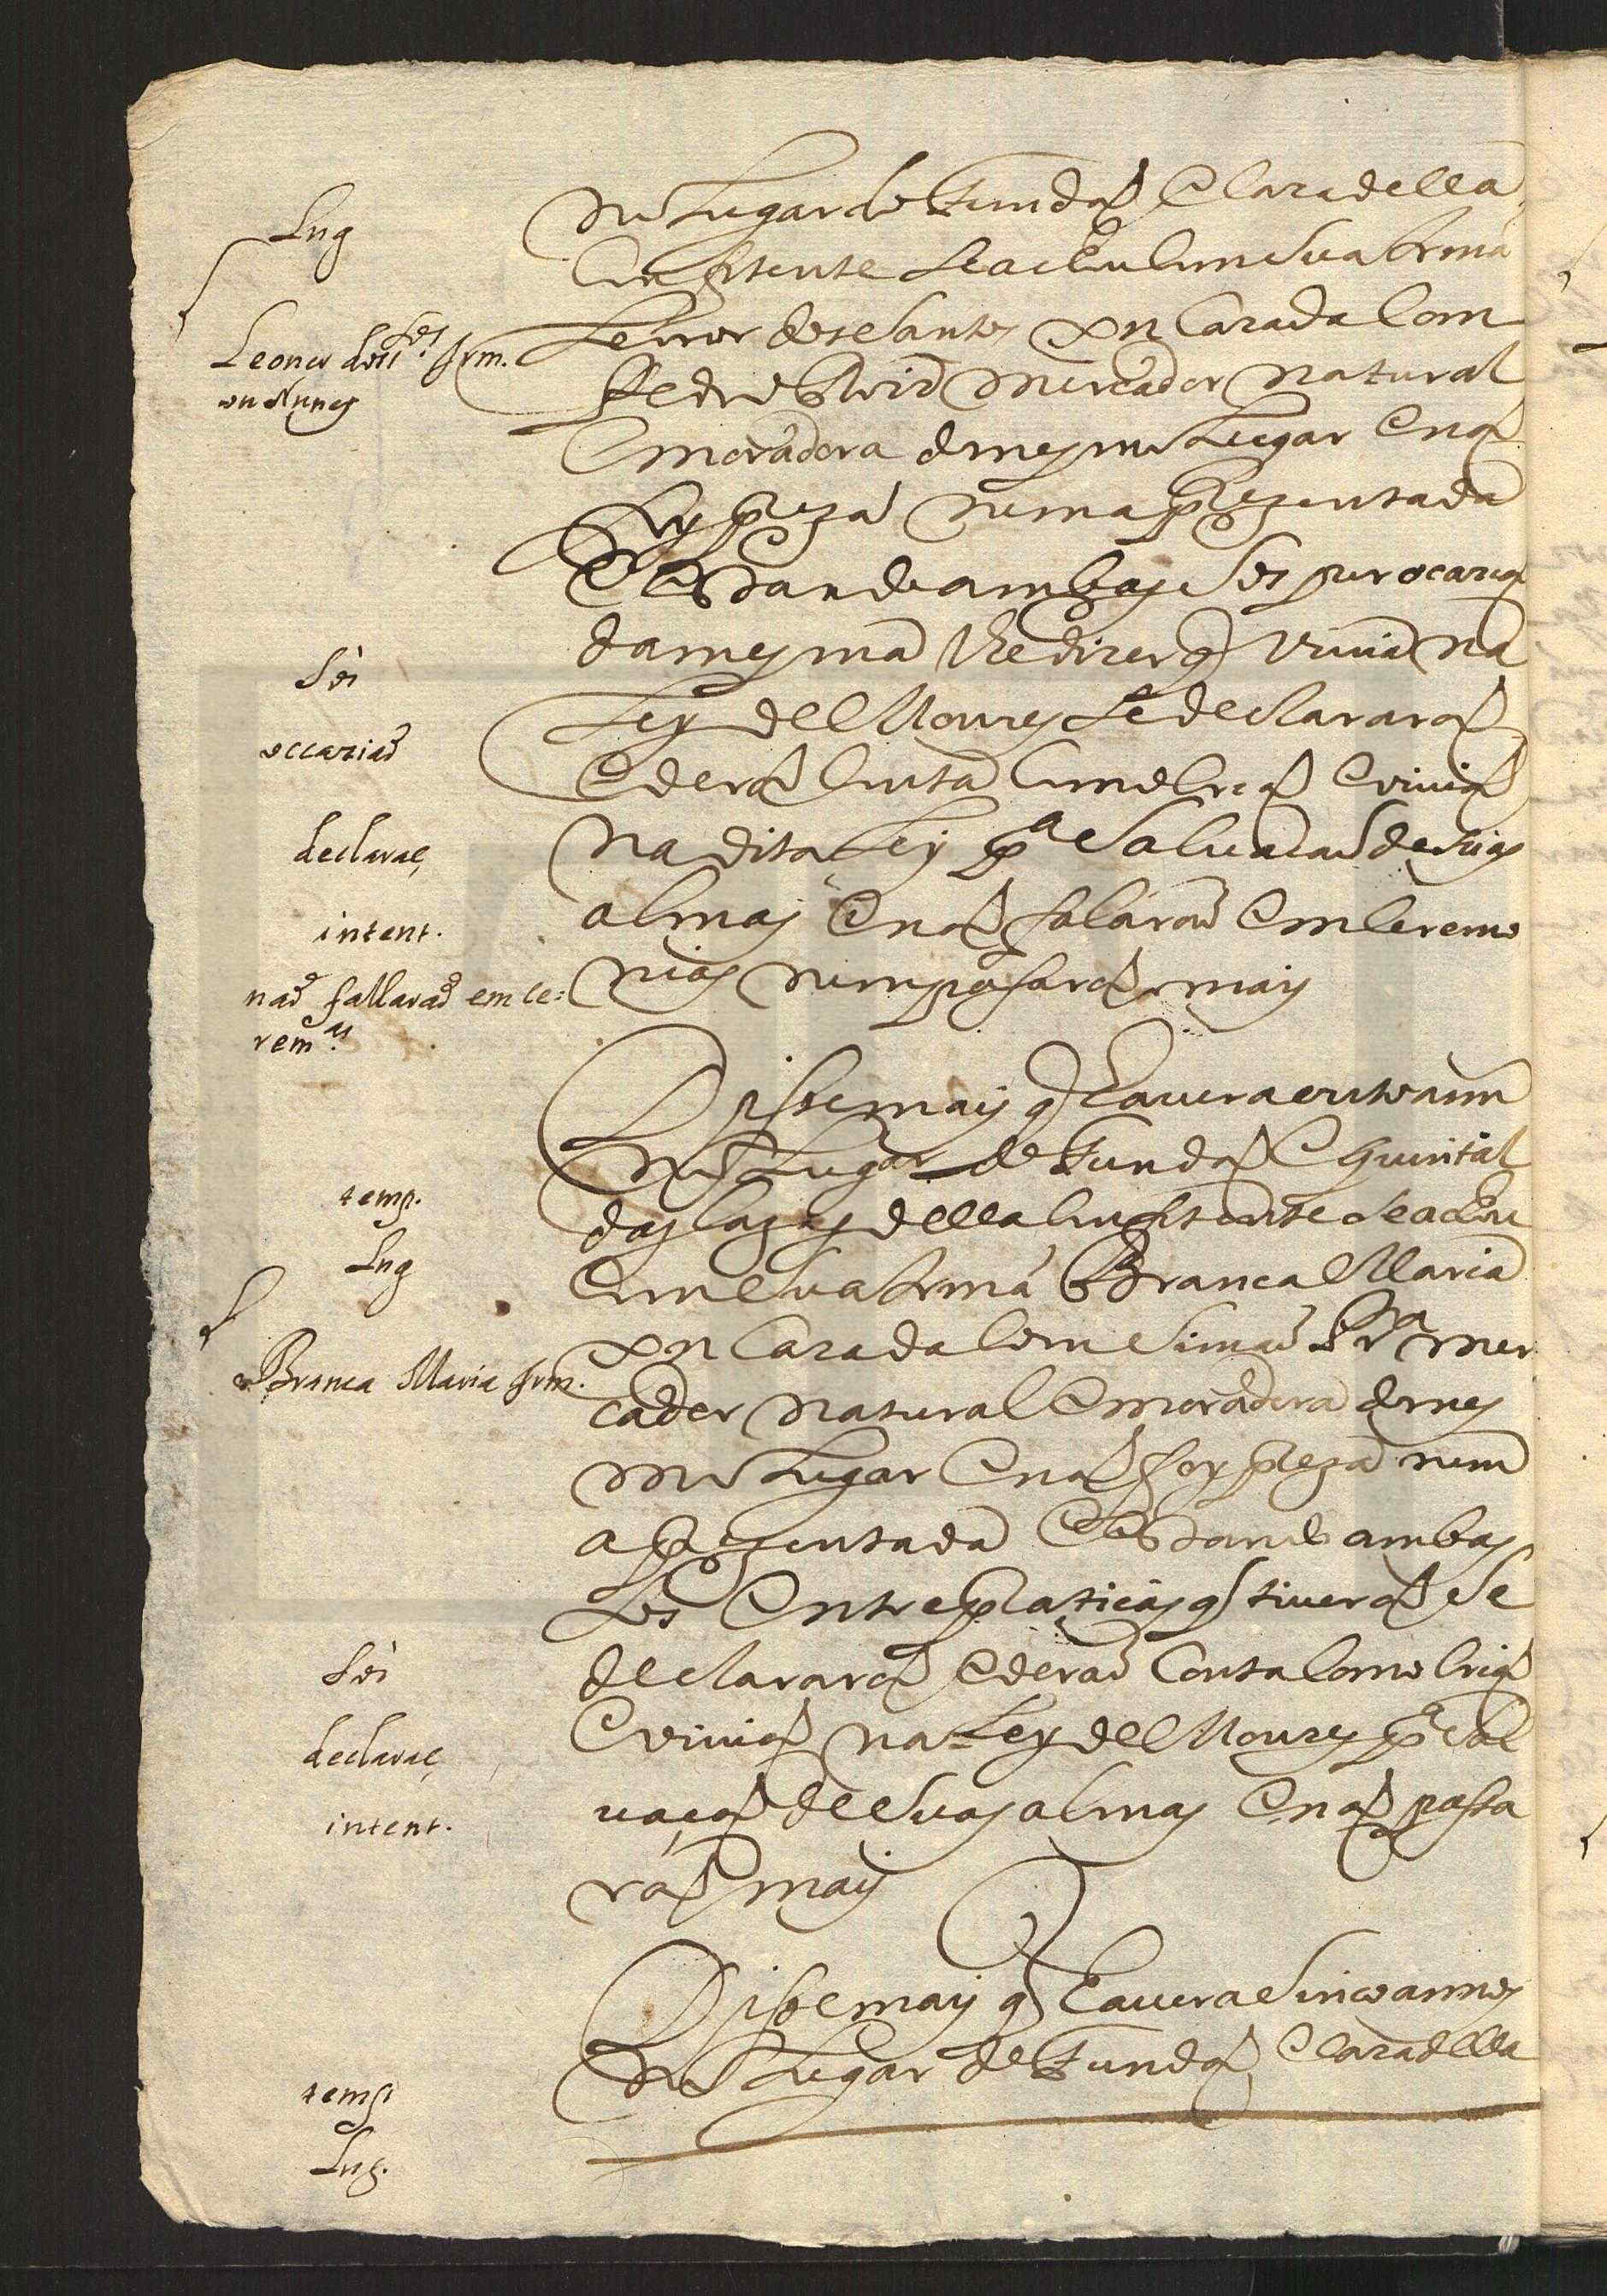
no Lugar do Fundaõ E Caza della
Confitente Se achou Com Sua Jrmã
Leonor dos Santos xn Cazada Com
Pedro Roiz̄ mercador natural
E moradora do mesmo Lugar e nã
foy preza nem aprezentada
E Estando ambas Sos por ocaziã
da mesma lhe dizer q̄ viuia na
Ley de Mouzes se declararaõ
deraõ Conta Como Criaõ e viviaõ
na dita Ley pa Saluacaõ de suas
almas E naõ falaraõ Em Ceremo
nias nem pasaraõ mais
Disse mais q̄ hauera outo ann̄
no Lugar do Fundaõ quintal
das Cazas della confitente se achou
Com Sua Jrmã Branca Maria
xn Cazada Com Simaõ Pra mer
cador natural E moradora do mes
mo Lugar E naõ foy preza nem
aprezentada E Estando ambas
Sos Entre praticas q̄ tiueraõ Se
declararaõ e deraõ Conta Como Criaõ
E viuiaõ na Ley de Mouzes pa Sal
uaçaõ de Suas almas E naõ passa
raõ mais
Disse mais q̄ hauera Sinco annos
no Lugar de Fundaõ E caza della
